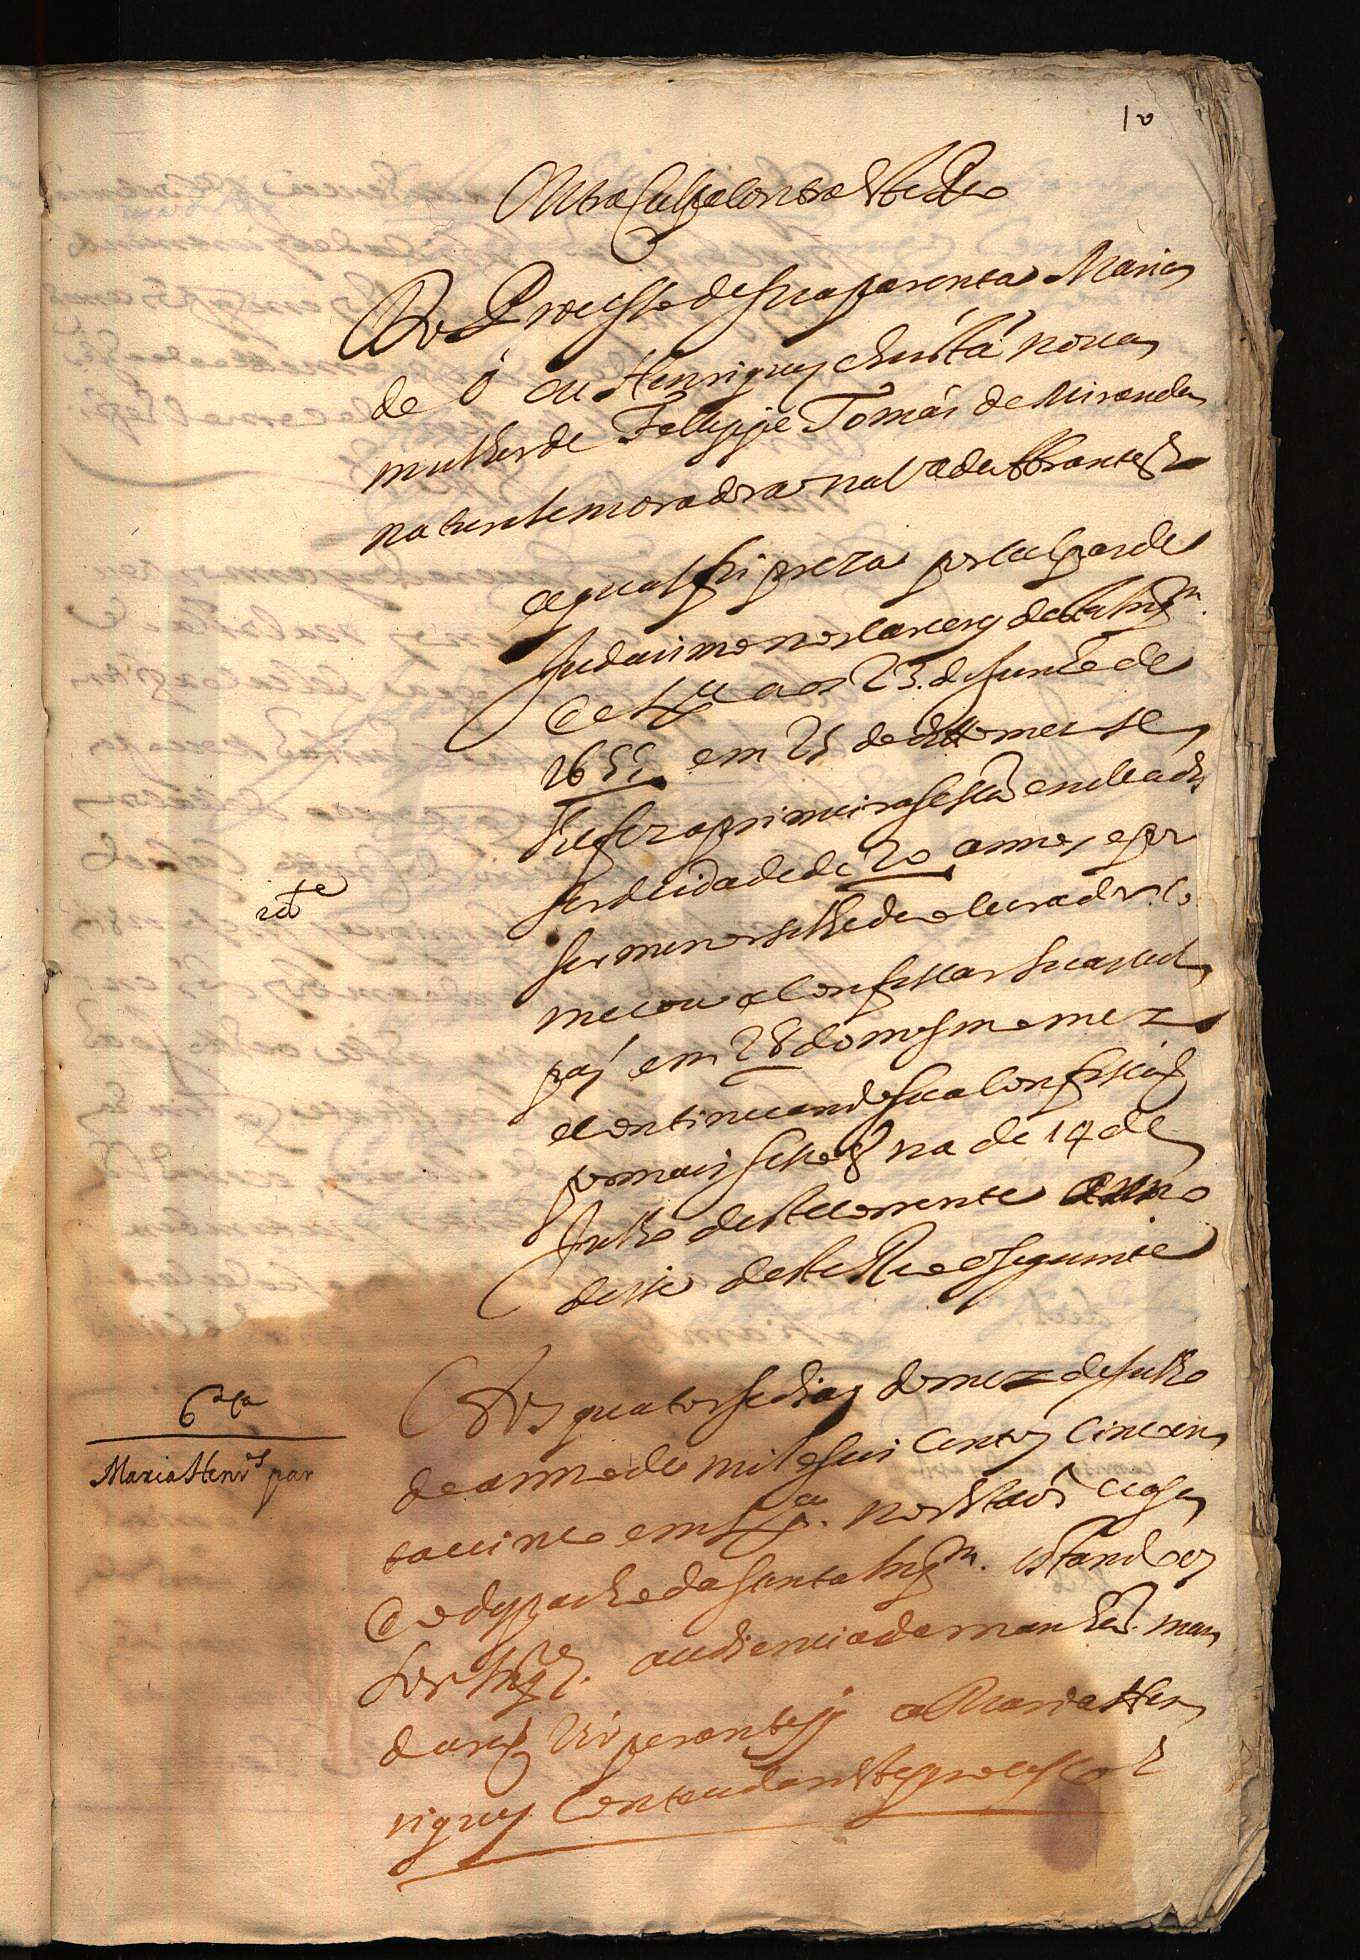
id̄e
6a ta
Maria Henres par
10
Outra Culpa contra este Reo
Do Processo de sua parenta Maria
de Ó ou Henriques christā noua
mulher de Fellippe Tomás de Miranda
natural e moradora na Va de Abrantes
a qual foi preza por culpas de
Judaismo nos Carceres desta Inqm.
de Lxa aos 23. de Junho de
1655 em 25 do ditto mes se
lhe fez a primeira sessaõ e nella di
ser de idade de 20 annos e por
ser menor se lhe deo curador. co
meçou a confessar suas cul
pas em 28 do mesmo mez
e continuando sua confissaõ
por mais sessoẽs na de 14 de
Julho deste corrente anno
disse deste Reo o seguinte
Aos quatorse dias do mez de Julho
do anno de mil e seiscentos cincoen
ta e cinco em Lx.a nos estaos e casa
do despacho da Santa Inq.m estando os
Sres Inqres. audiencia da manhā man
daraõ vir perante sy a Maria Hen
riques conteuda neste processo
